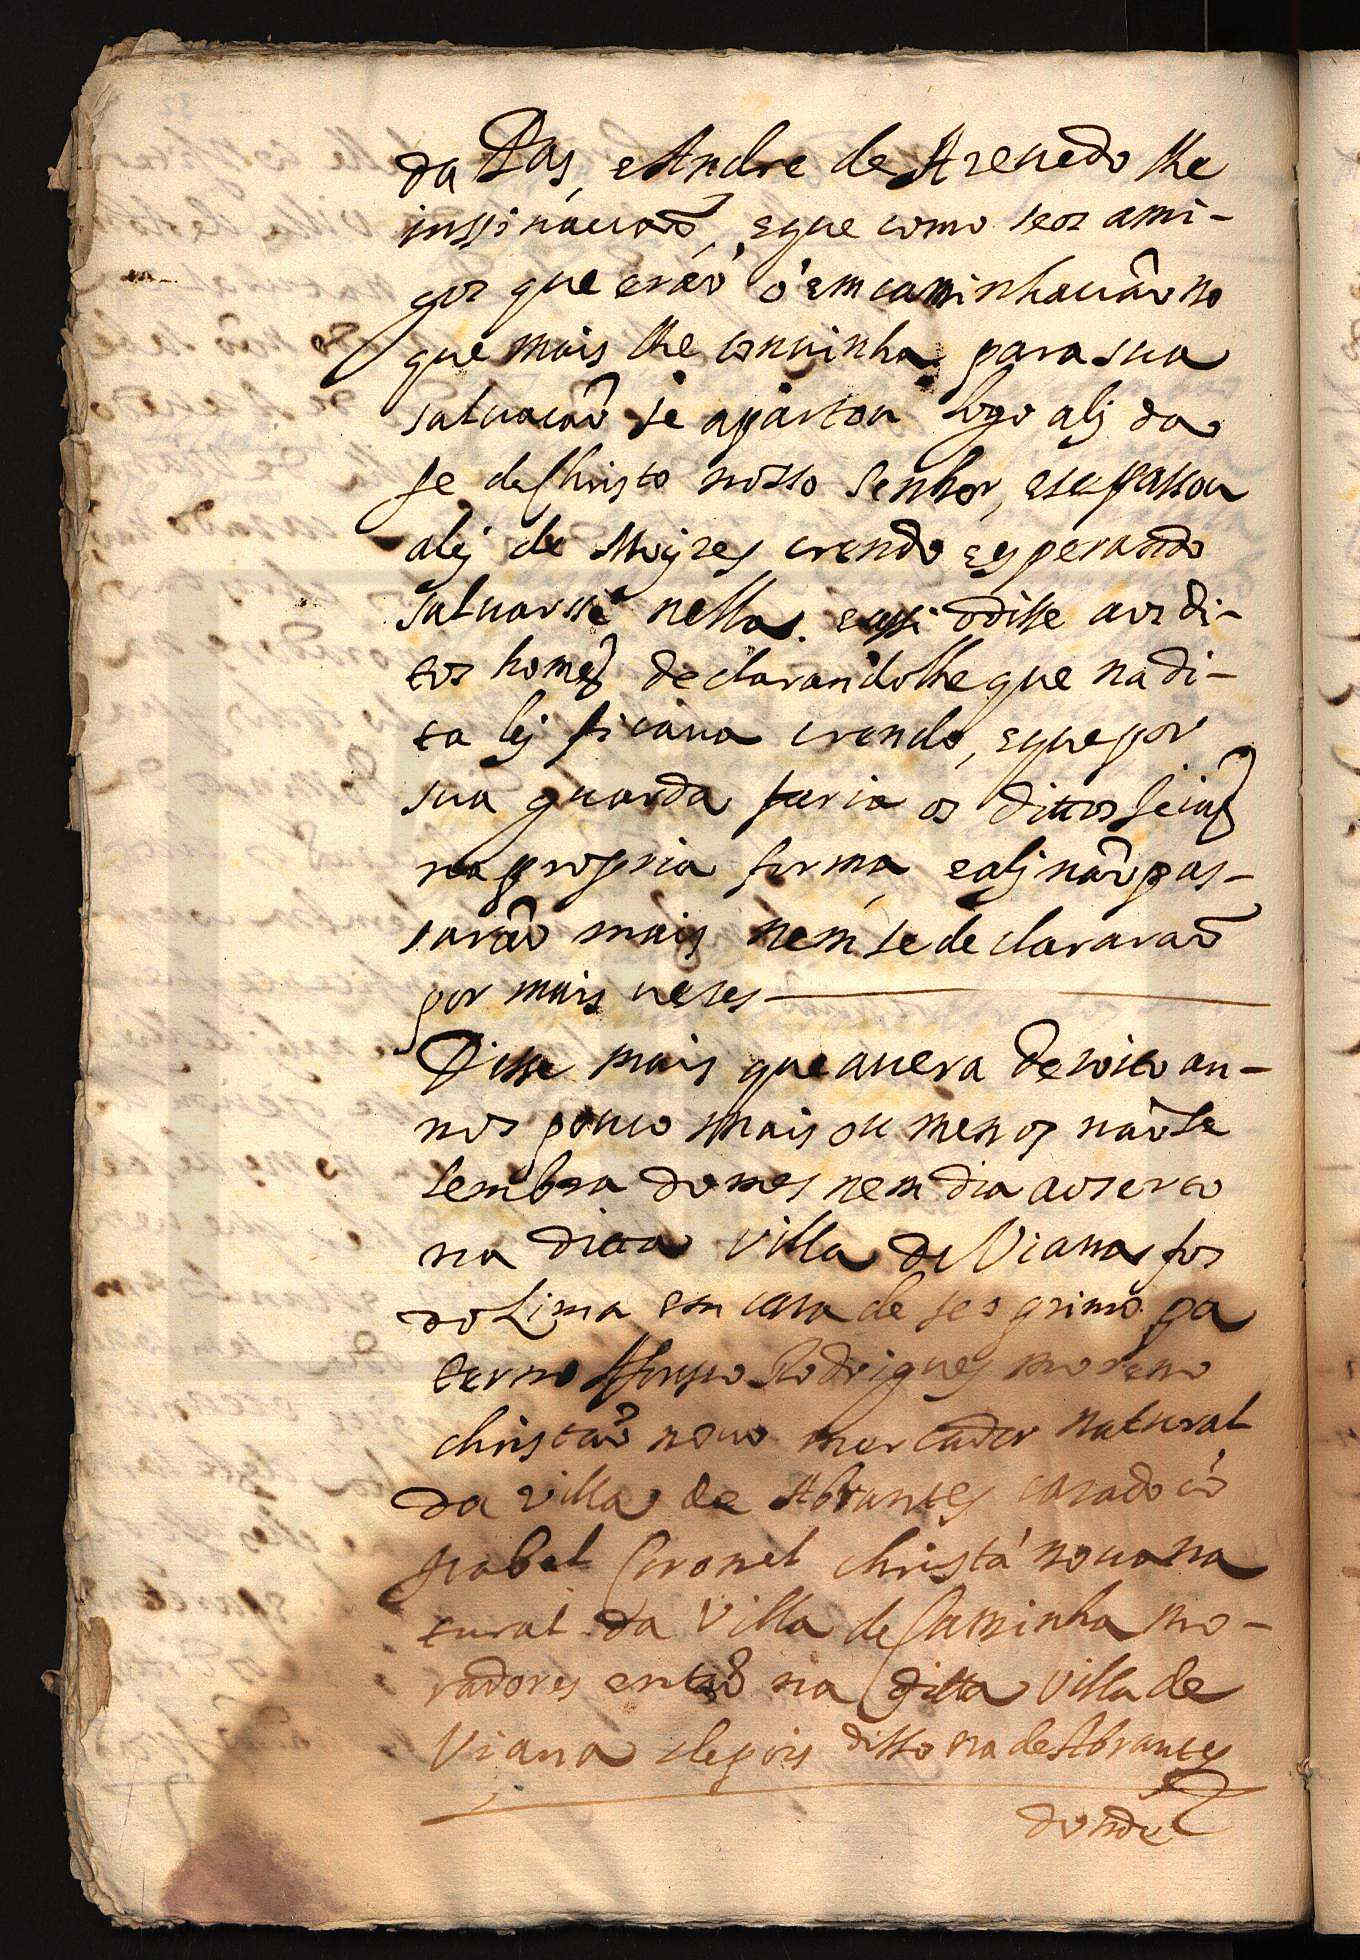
da Pas, e Andre de Azeuedo lhe
inssinauaõ, E que como seos ami
gos que eraõ o emcaminhauaõ no
que mais lhe conuinha para sua
saluaçaõ se apartou logo alj da
fe de Christo nosso senhor, E se passou
a lej de Moyzes crendo E esperando
saluarsse nella. E assi o disse aos di
tos homēs declarandolhe que na di
ta lej ficaua crendo, E que por
sua guarda faria os dittos Jeiūs
na propria forma, e alj naõ pas
saraõ mais nem se declararaõ
por mais uezes
Disse mais que auera dezoito an
nos pouco mais ou menos naõ se
lembra do mes nem dia ao serto
na ditta villa de Viana fos
do Lima em caza de seo primo pa
terno Afonsso Rodrigues moreno
christaõ nouo mercador natural
da villa de Abrantes cazado cō
Jzabel Coronel christā noua na
tural da Villa de Caminha mo
radores entaõ na ditta Villa de
Viana depois disso na de Abrantes
donde
